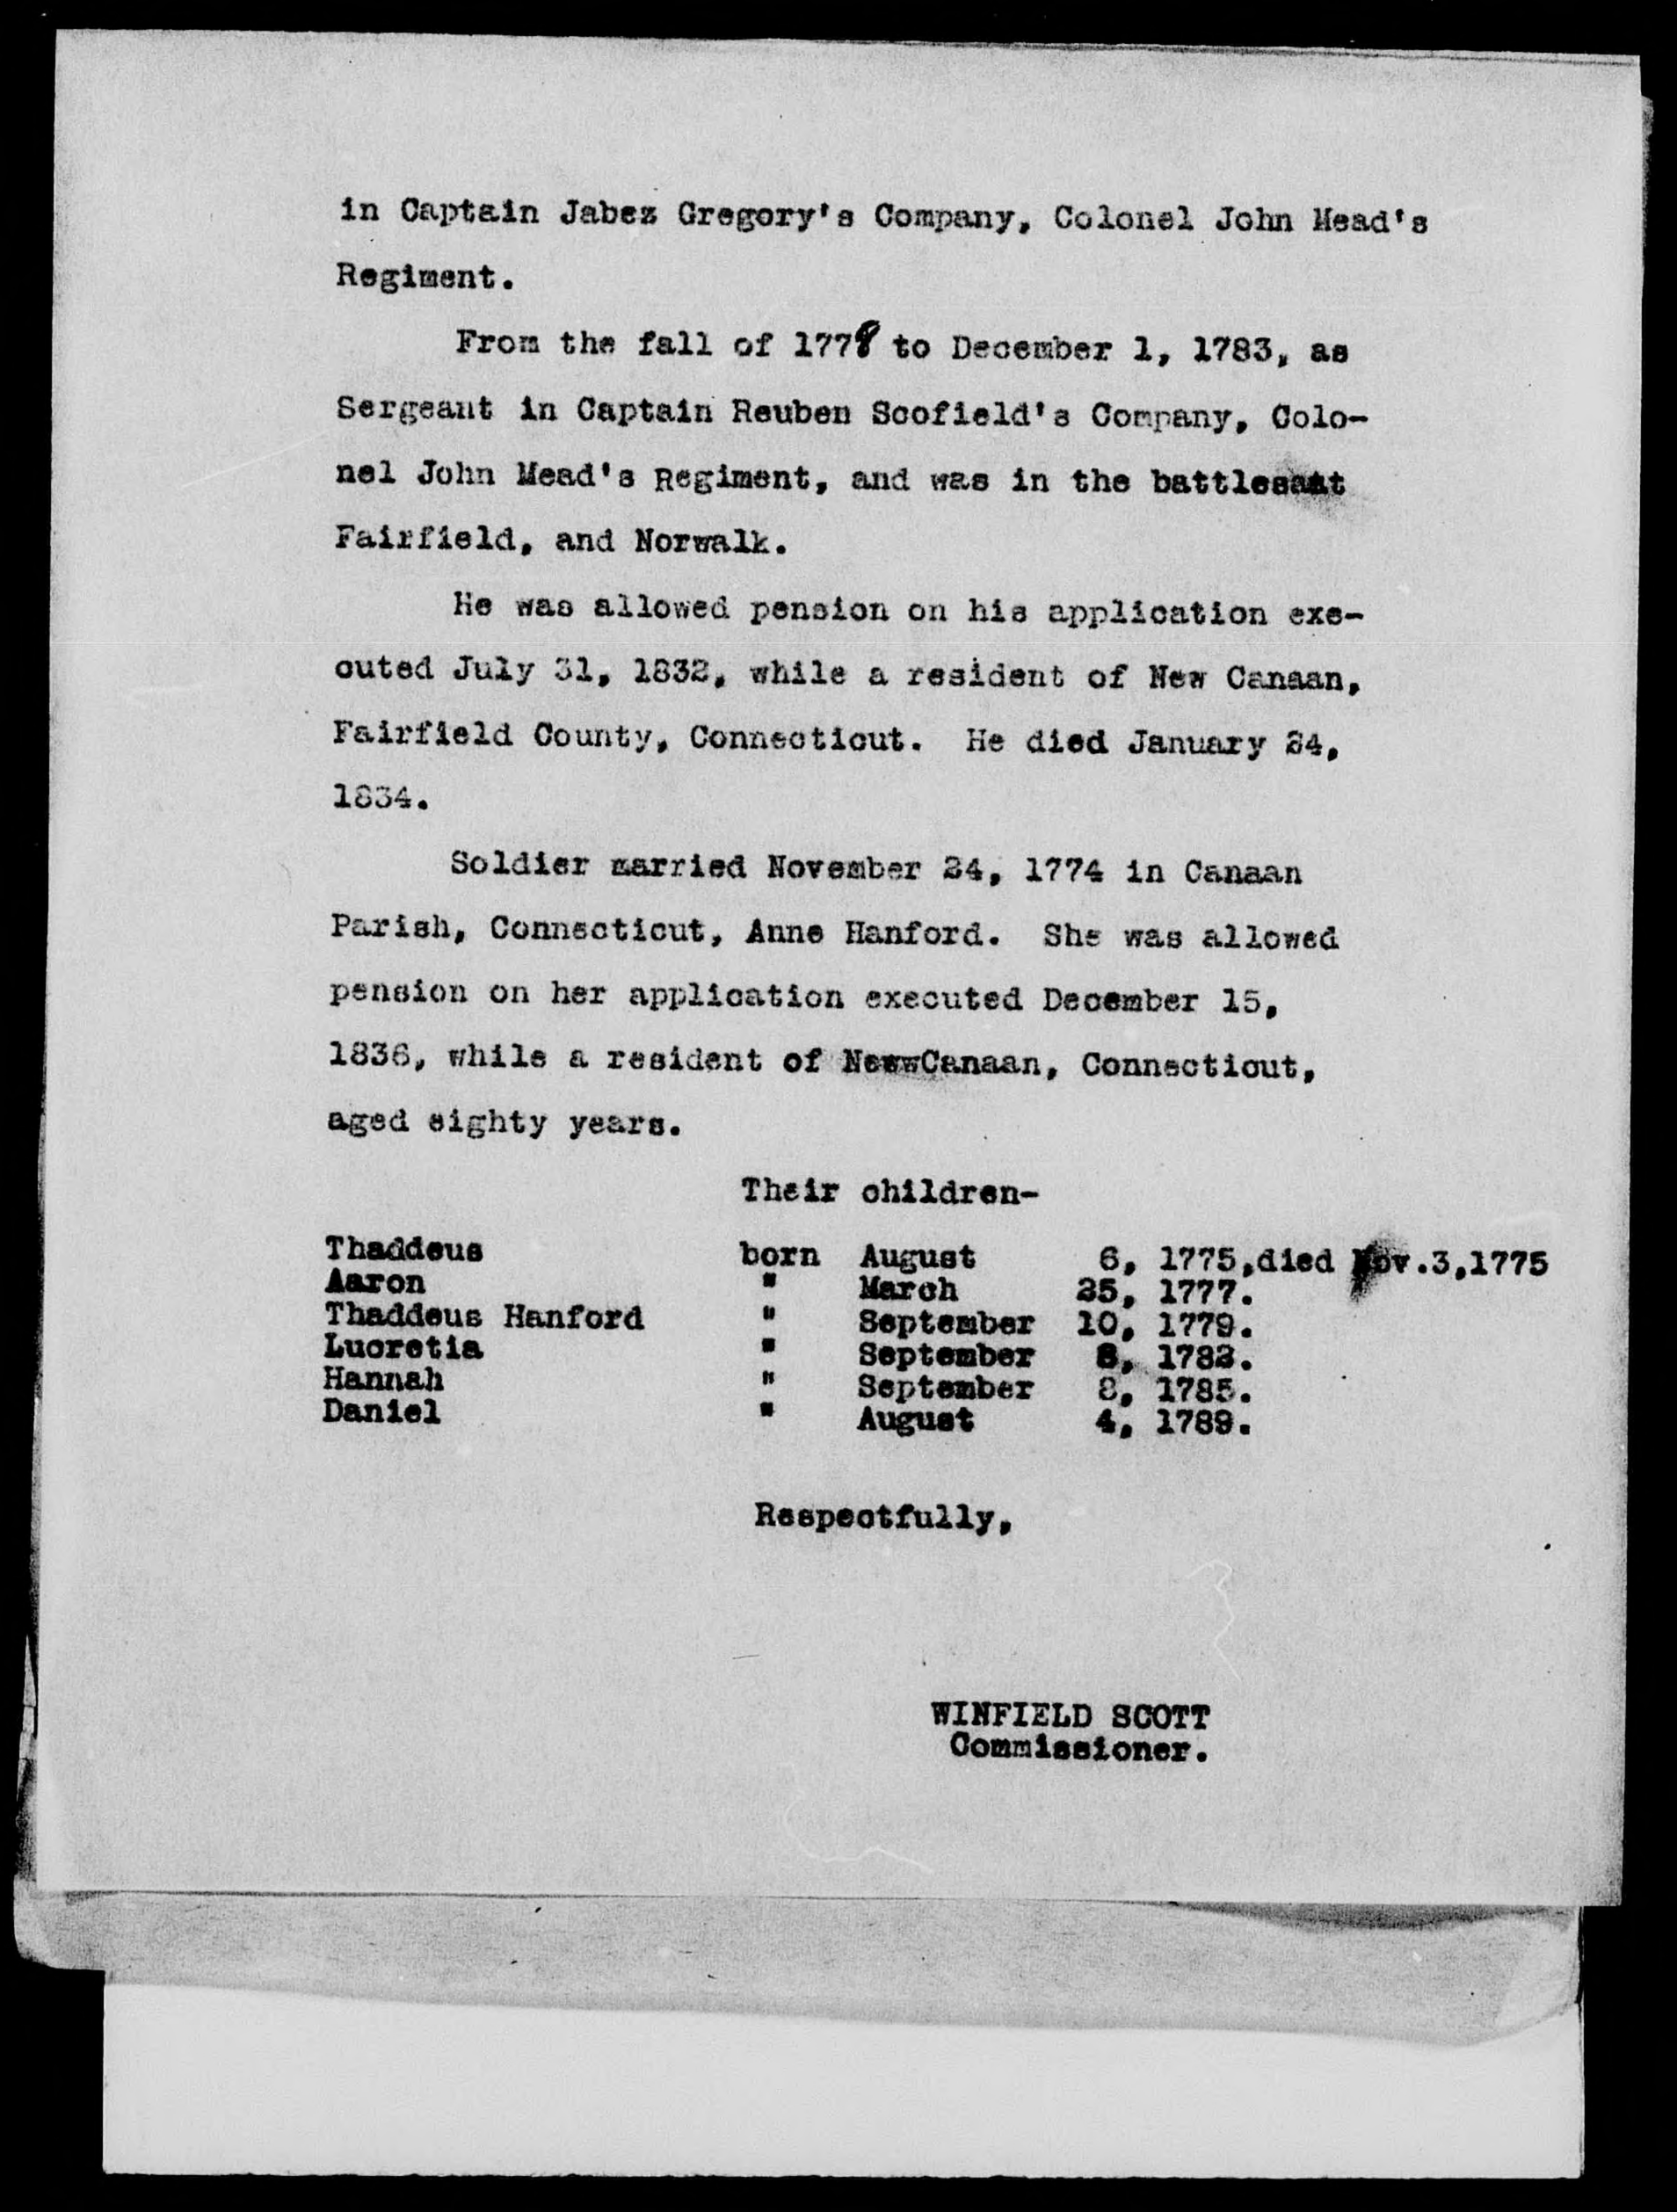in Captain Jabez Gregory's Company, Colonel John Mead's Regiment.
From the fall of 1779 to December 1, 1783, as
Sergeant in Captain Reuben Scofield's Company, Colonel John Mead's Regiment, and was in the battlesaat Fairfield, and Norwalk.
He was allowed pension on his application executed July 31, 1832, while a resident of New Canaan, Fairfield County, Connecticut. He died January 24, 1834.
Soldier married November 24, 1774 in Canaan
Parish, Connecticut, Anne Hanford. She was allowed pension on her application executed December 15, 1836, while a resident of NewwCanaan, Connecticut, aged eighty years.

Their children-
Thaddeus born August 6, 1775, died Nov. 3, 1775
Aaron " March 25, 1777.
Thaddeus Hanford " September 10, 1779.
Lucretia " September 8, 1783.
Hannah " September 8, 1785.
Daniel " August 4, 1789.

Respectfully,

WINFIELD SCOTT
Commissioner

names: Hannah, Anne Hanford, Thaddeus Hanford, Aaron, Daniel, Winfield Scott, Lucretia, Thaddeus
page: 13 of 43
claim: widow's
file: W. 17,647, Aaron Comstock, Conn.